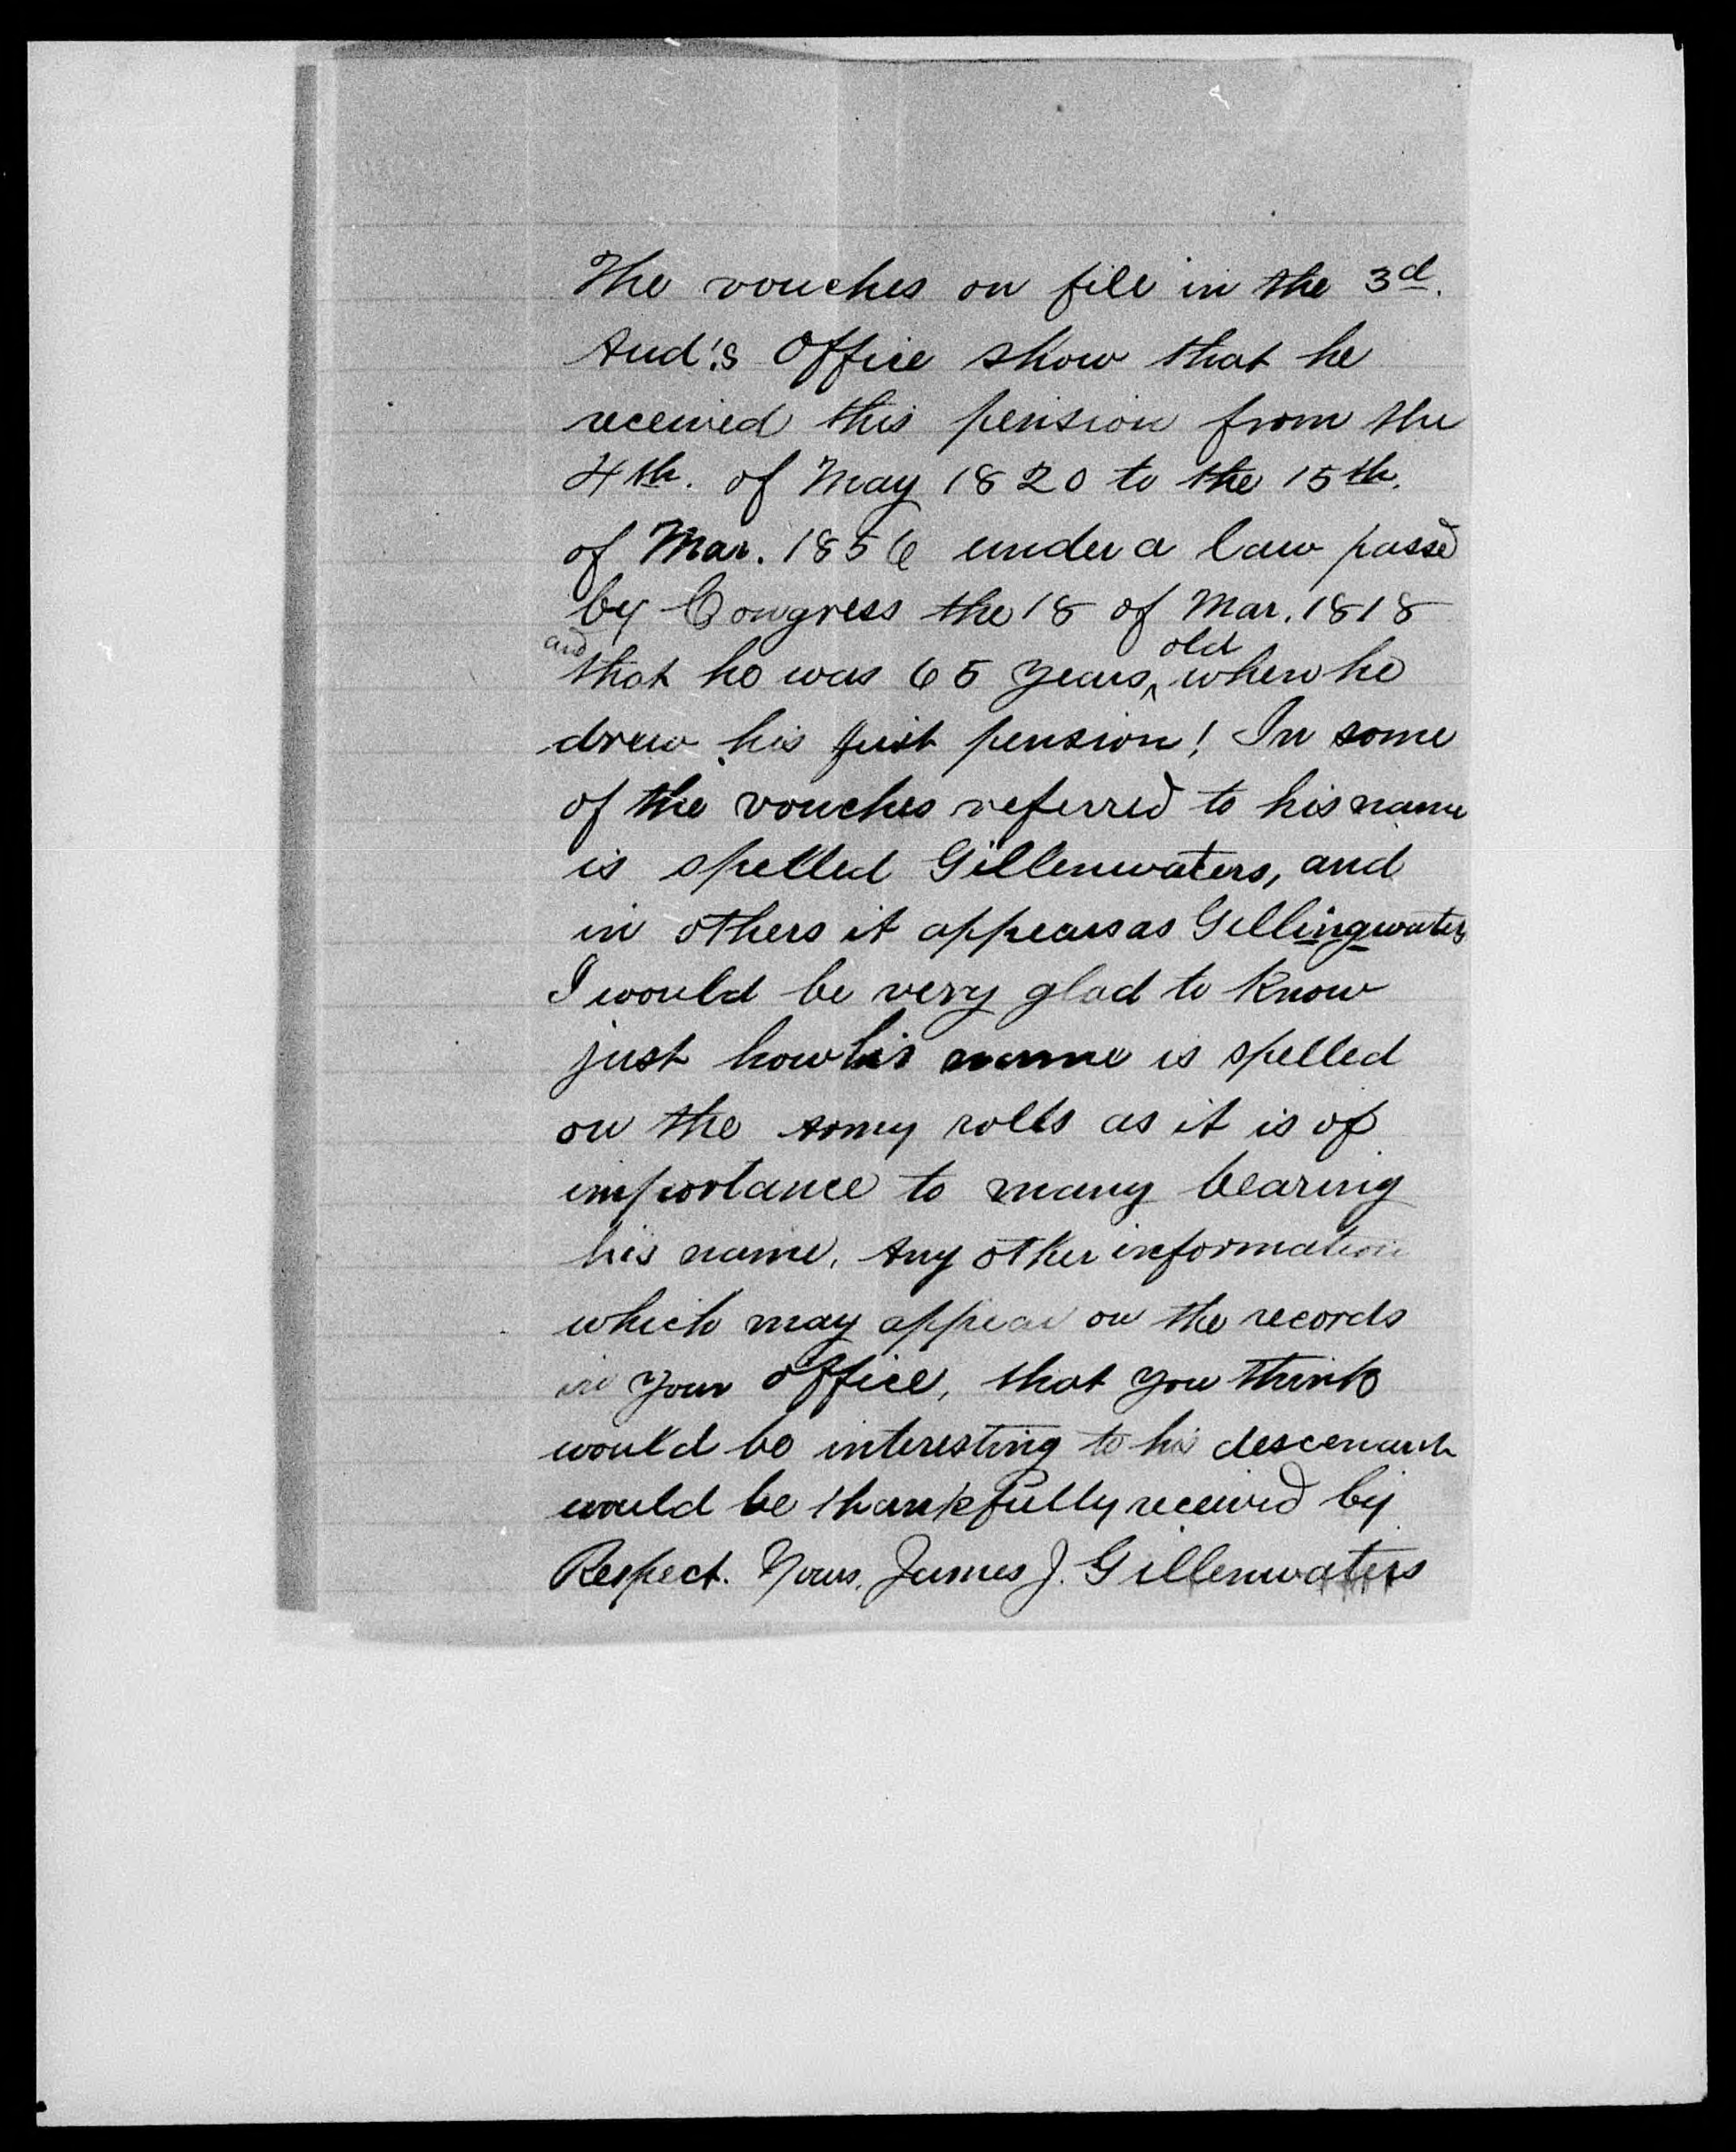The vouches on file in the 3d. Aud.'s Office show that he received this pension from the 4th of May 1820 to the 15th of Mar. 1856 under a law passed by Congress the 18 of Mar. 1818 and that he was 65 years old when he drew his first pension! In some of the vouches referred to his name is spelled Gillenwaters, and in others it appears as Gillingwaters. I would be very glad to know just how his name is spelled on the army rolls as it is of importance to many bearing his name. Any other information which may appear on the records in your office that you think would be interesting to his descenants would be thankfully received by 
Respect yours James J. Gillenwaters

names: James J Gillingwater, Gillingwater, Gillingwater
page: 26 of 36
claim: survivor's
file: S. 39570, James Gillingwater, Va.